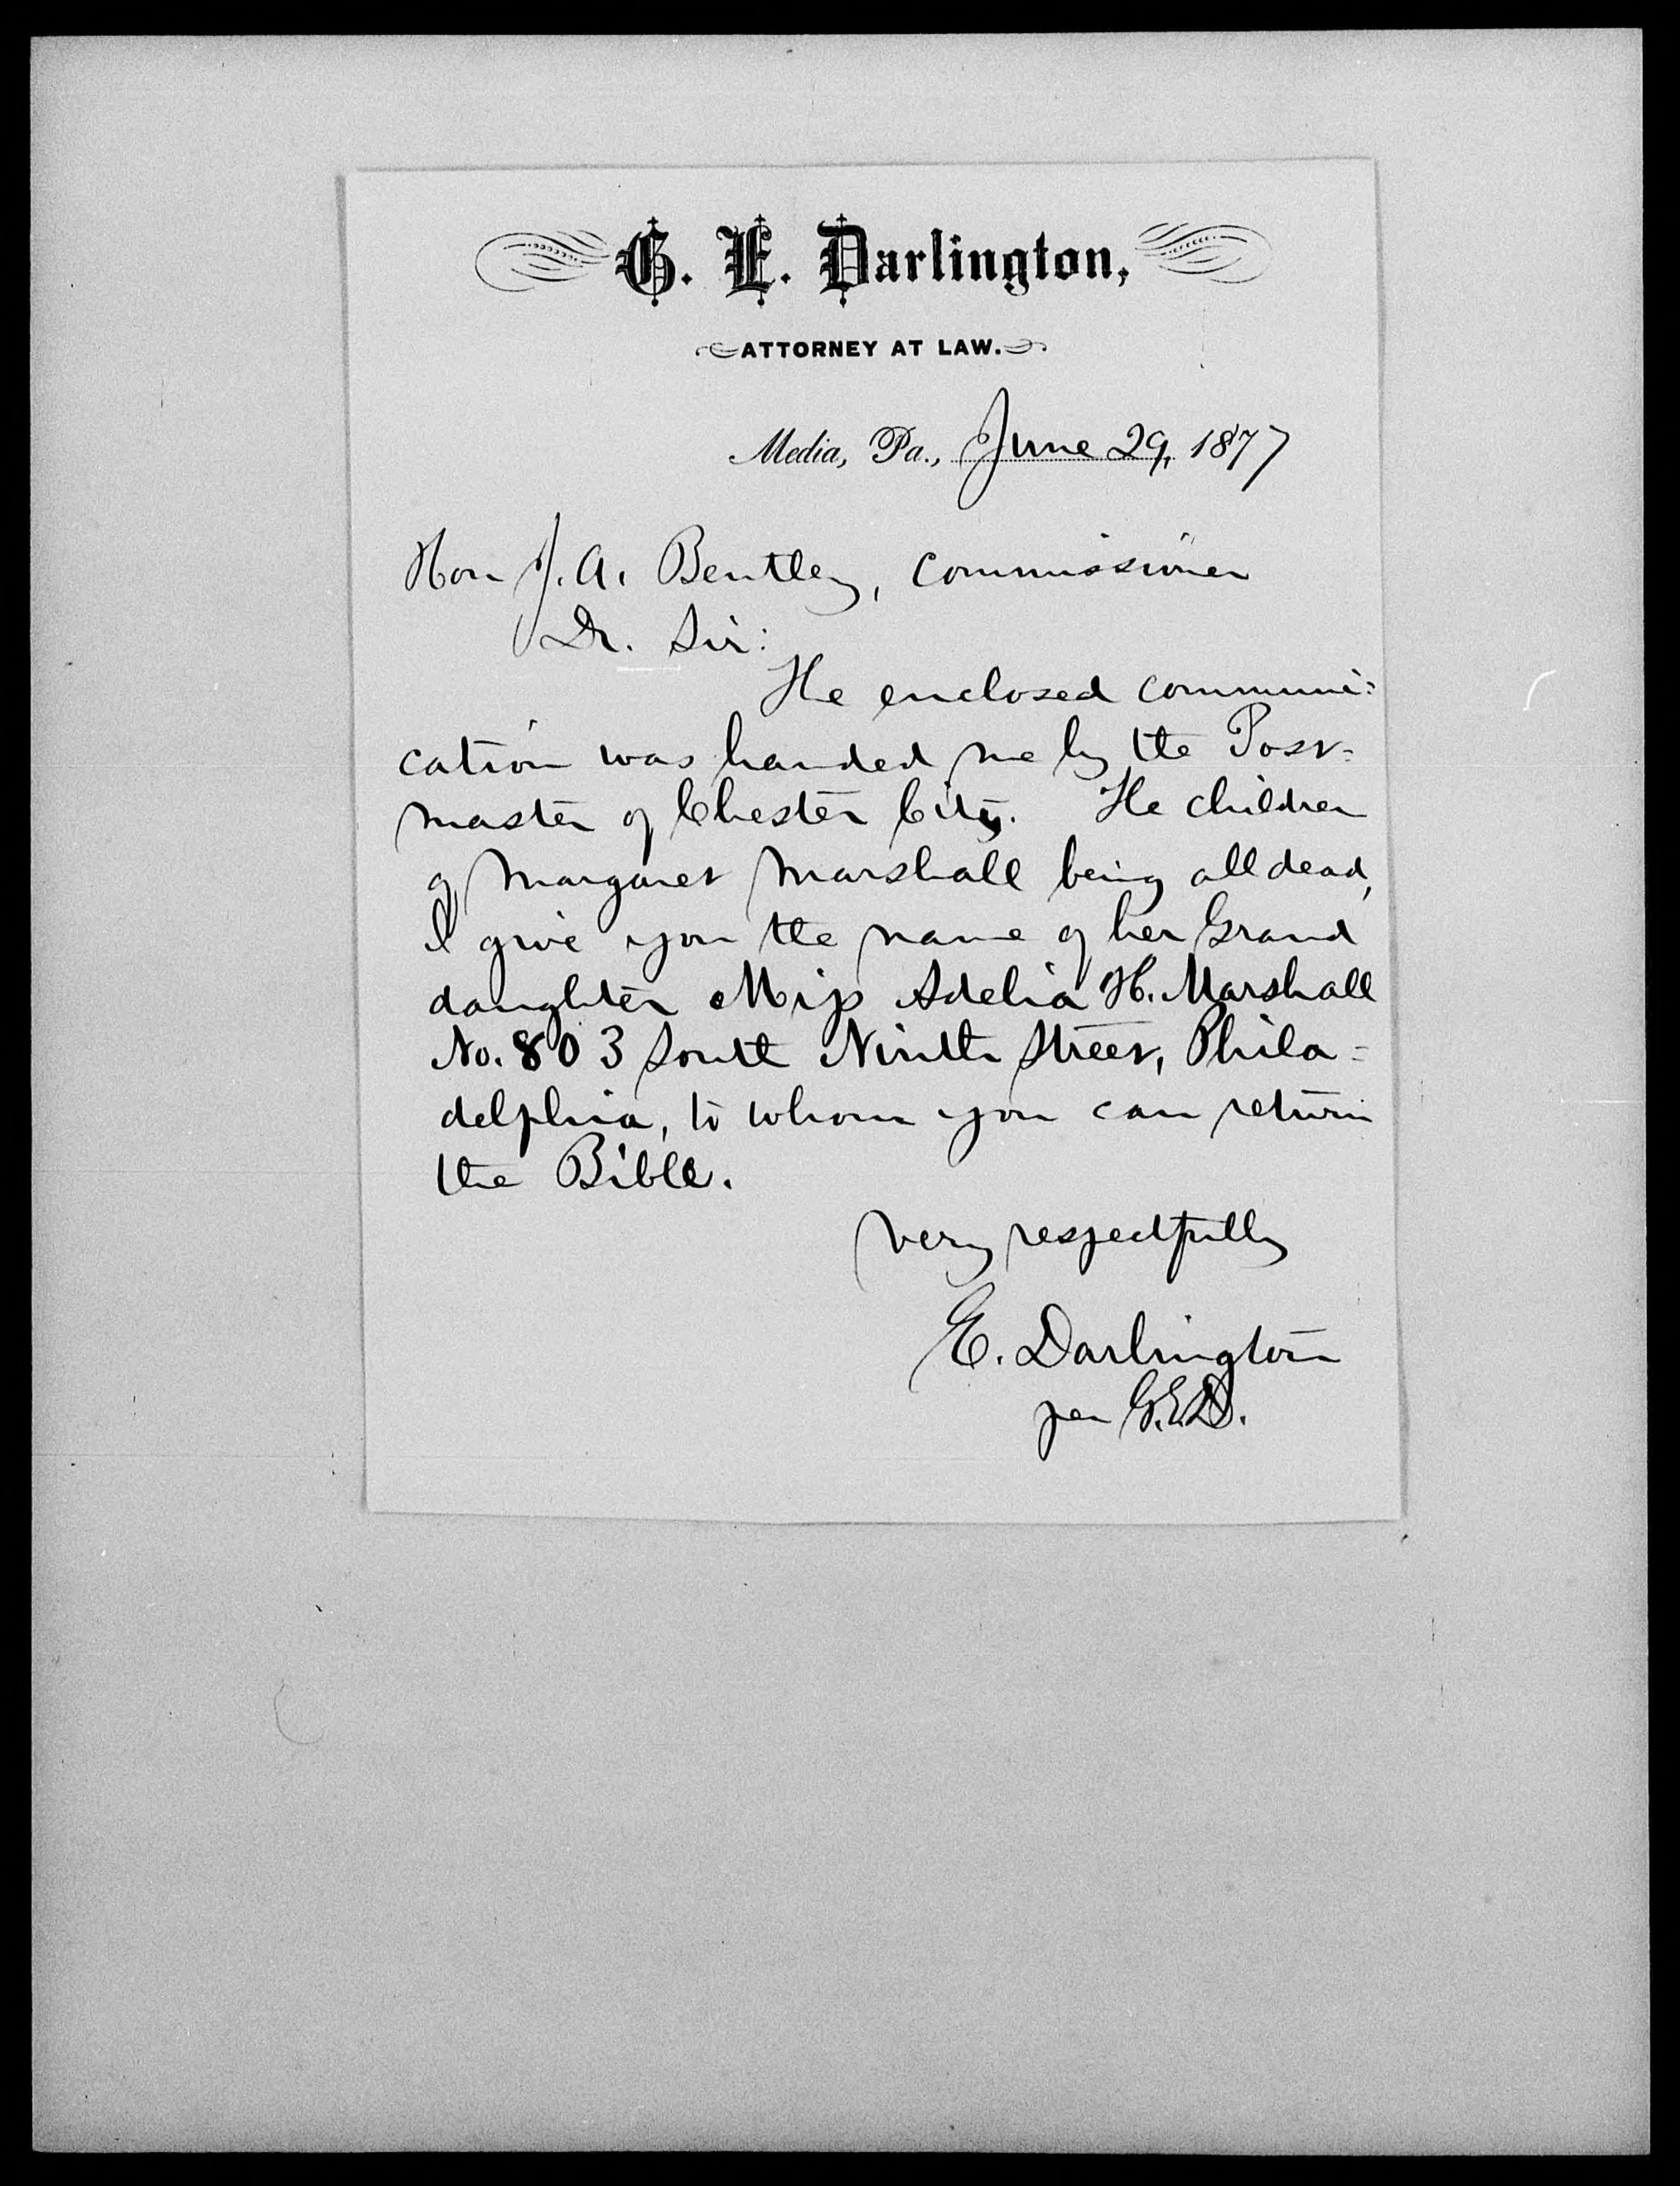G. E. Darlington,
Attorney at Law

Media, Pa., June 29, 1877

Hon J.A. Bentley, Commissioner

Dr. Sir:

The enclosed communication was handed me by the Postmaster of Chester City. The children of Margaret Marshall being all dead, I give you the name of her Granddaughter Miss Adelia H. Marshall No. 803 South Ninght Street, Philadelphia, to whom you can return the Bible.

Very respectfully,

E. Darlington
pen G.E.D.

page: 30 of 86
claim: widow's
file: W. 3571, for David Marshall, Pennsylvania